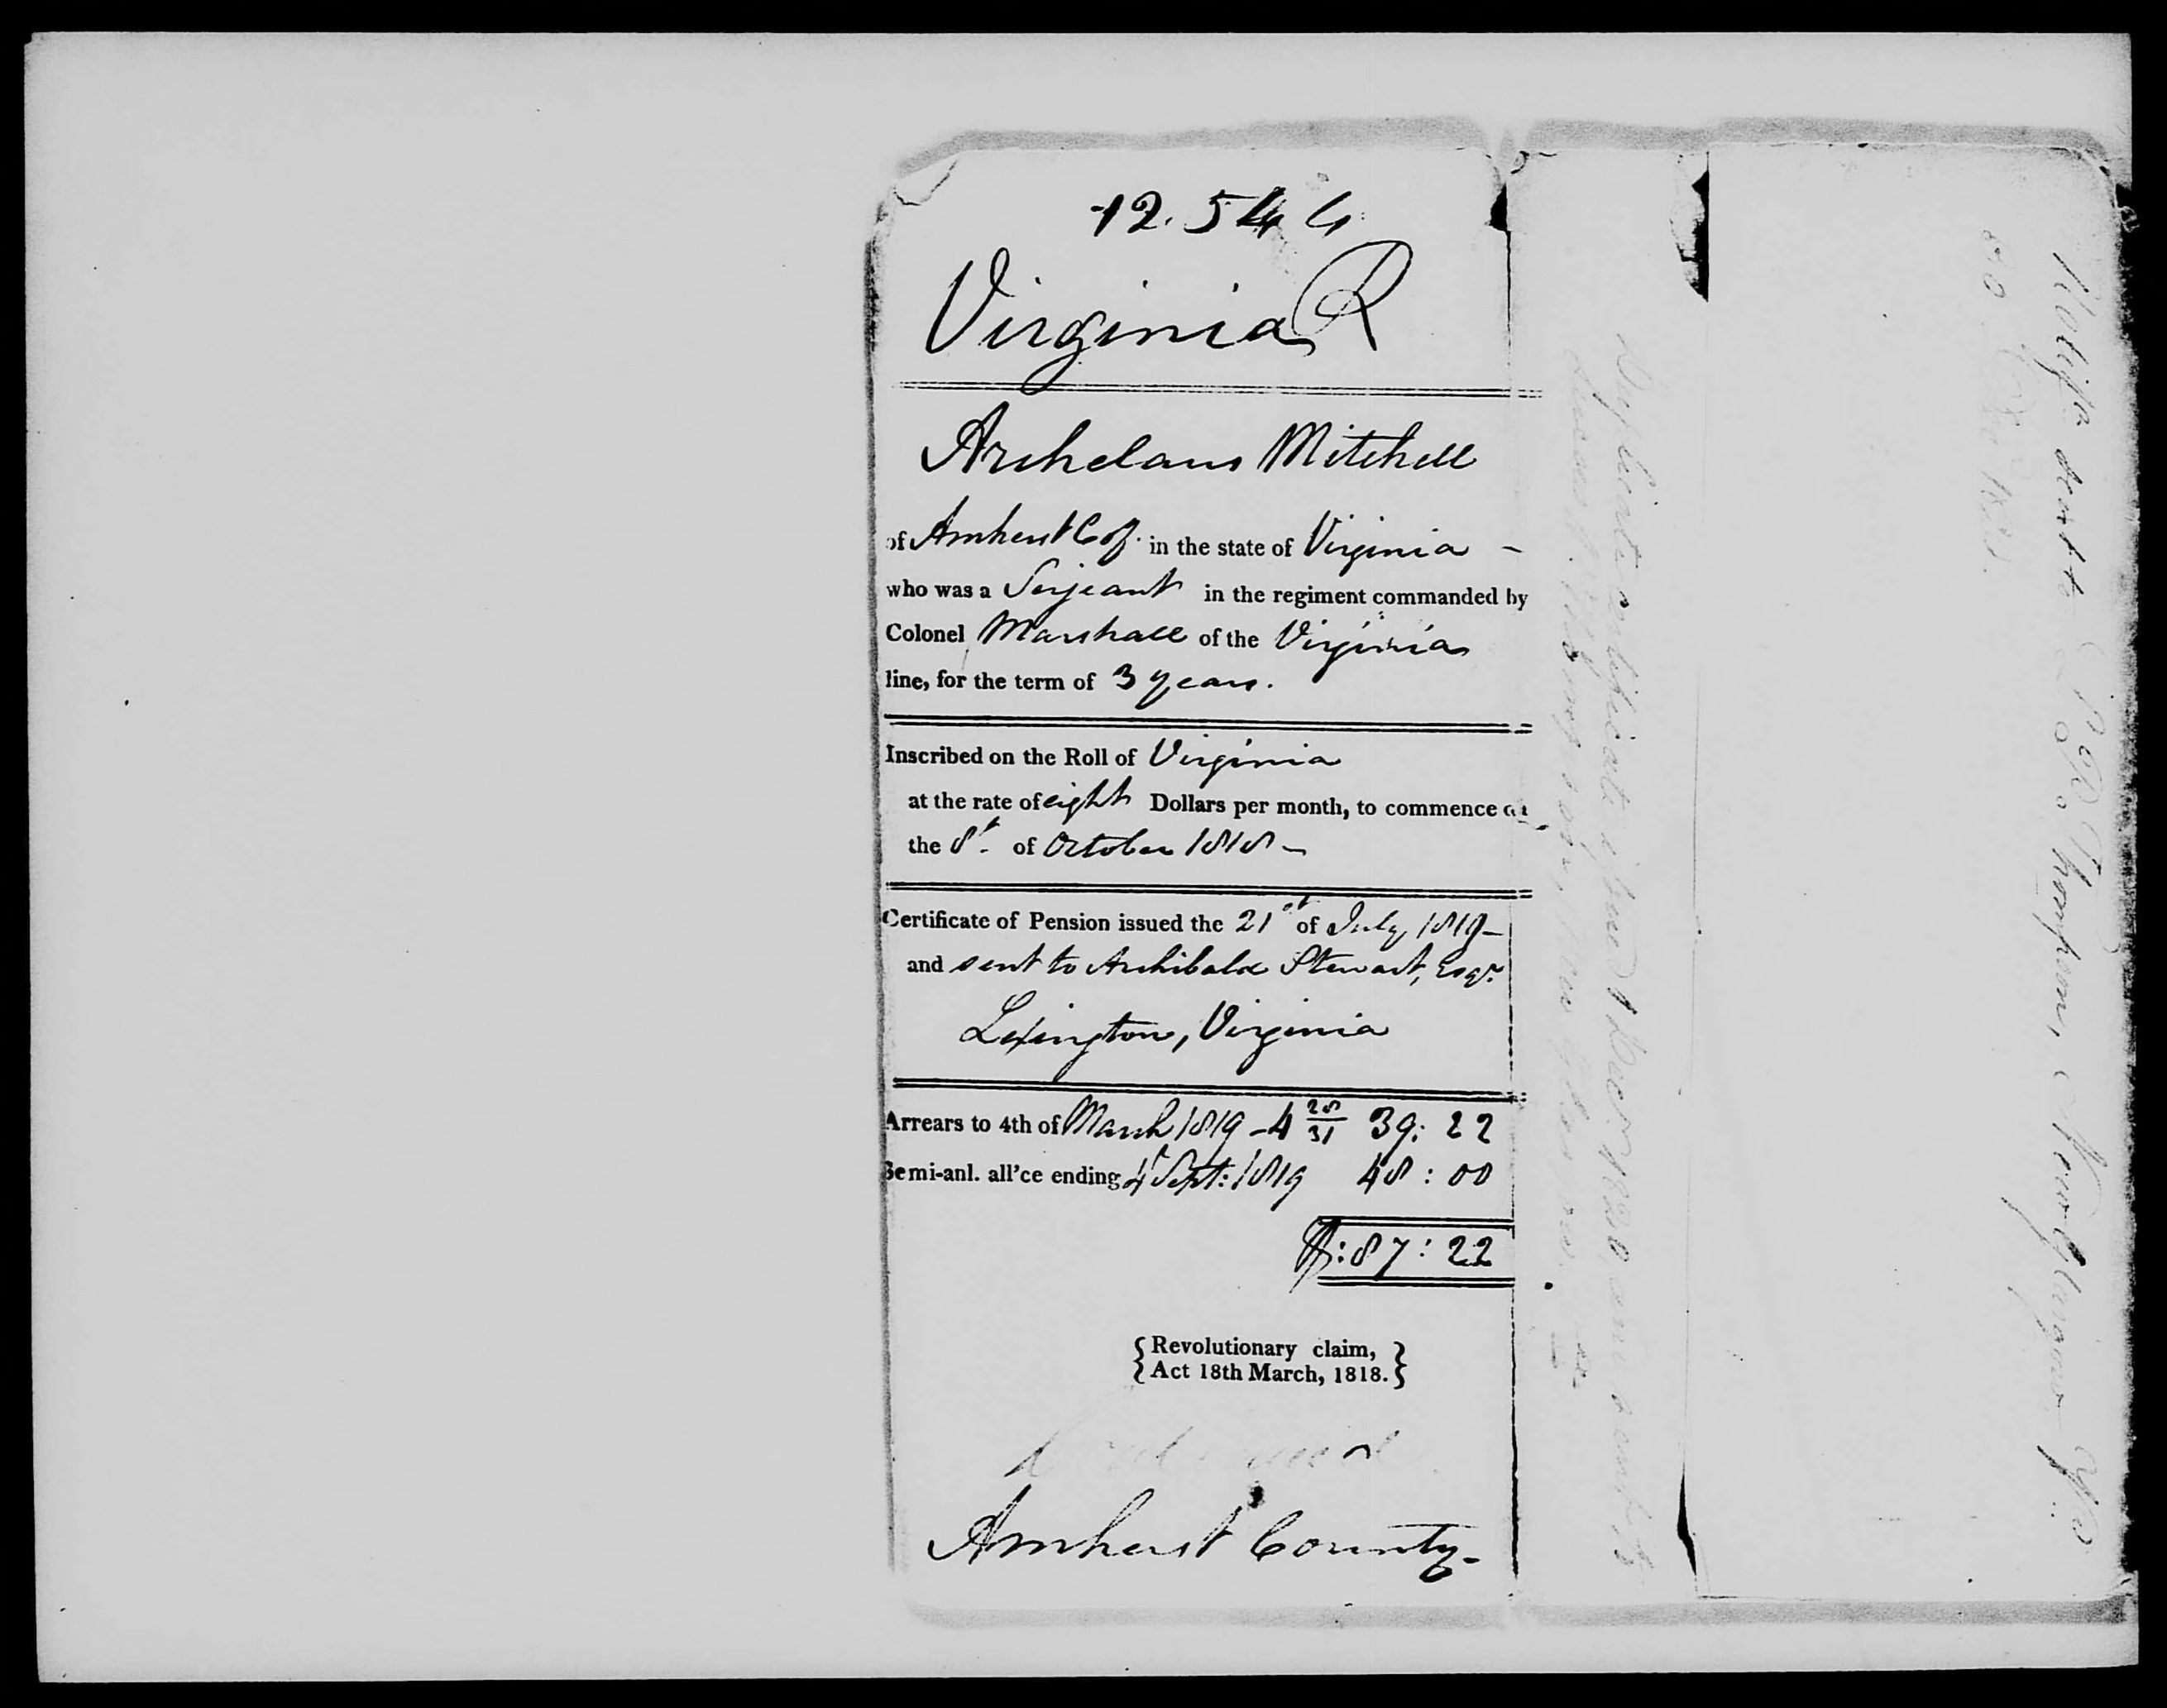[this is a duplicate of image 2]

12.544
Virginia R
Archelaus Mitchell of Amherst Coy in the state of Virginia who was a Serjeant(sic) in the regiment commanded by Colonel Marshall of the Virginia line, for the term of 3 years.

Inscribed on the Roll of Virginia at the rate of eight Dollars per month, to commence on the 8ᵗ of October 1818~

Certificate of Pension issued the 21ˢᵗ of July 1819 and sent to Archibald Stewart, Esqr. Lexington, Virginia

Arrears to 4ᵗʰ of March 1819 - 4 28/31 39:22
Semi-anl. all'ce ending 4ᵗ Sept: 1819 48:00
$87:22

{Revolutionary claim, Act 18ᵗʰ March, 1818.}

[illegible]
Amherst County_

Notifᵃ sent to L P. Thompson, New Glasgow, Vᵃ
30 Dec 1820.

Duplicate certificate issued 1 Decʳ 1820 and sent to Lucas P. Thompson, New Glasgow, Vᵃ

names: [BLANK] Marshall; Archibald Stewart; Archelaus Mitchell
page: 3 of 23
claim: survivor's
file: S. 38226, for Archelaus Mitchell, Virginia